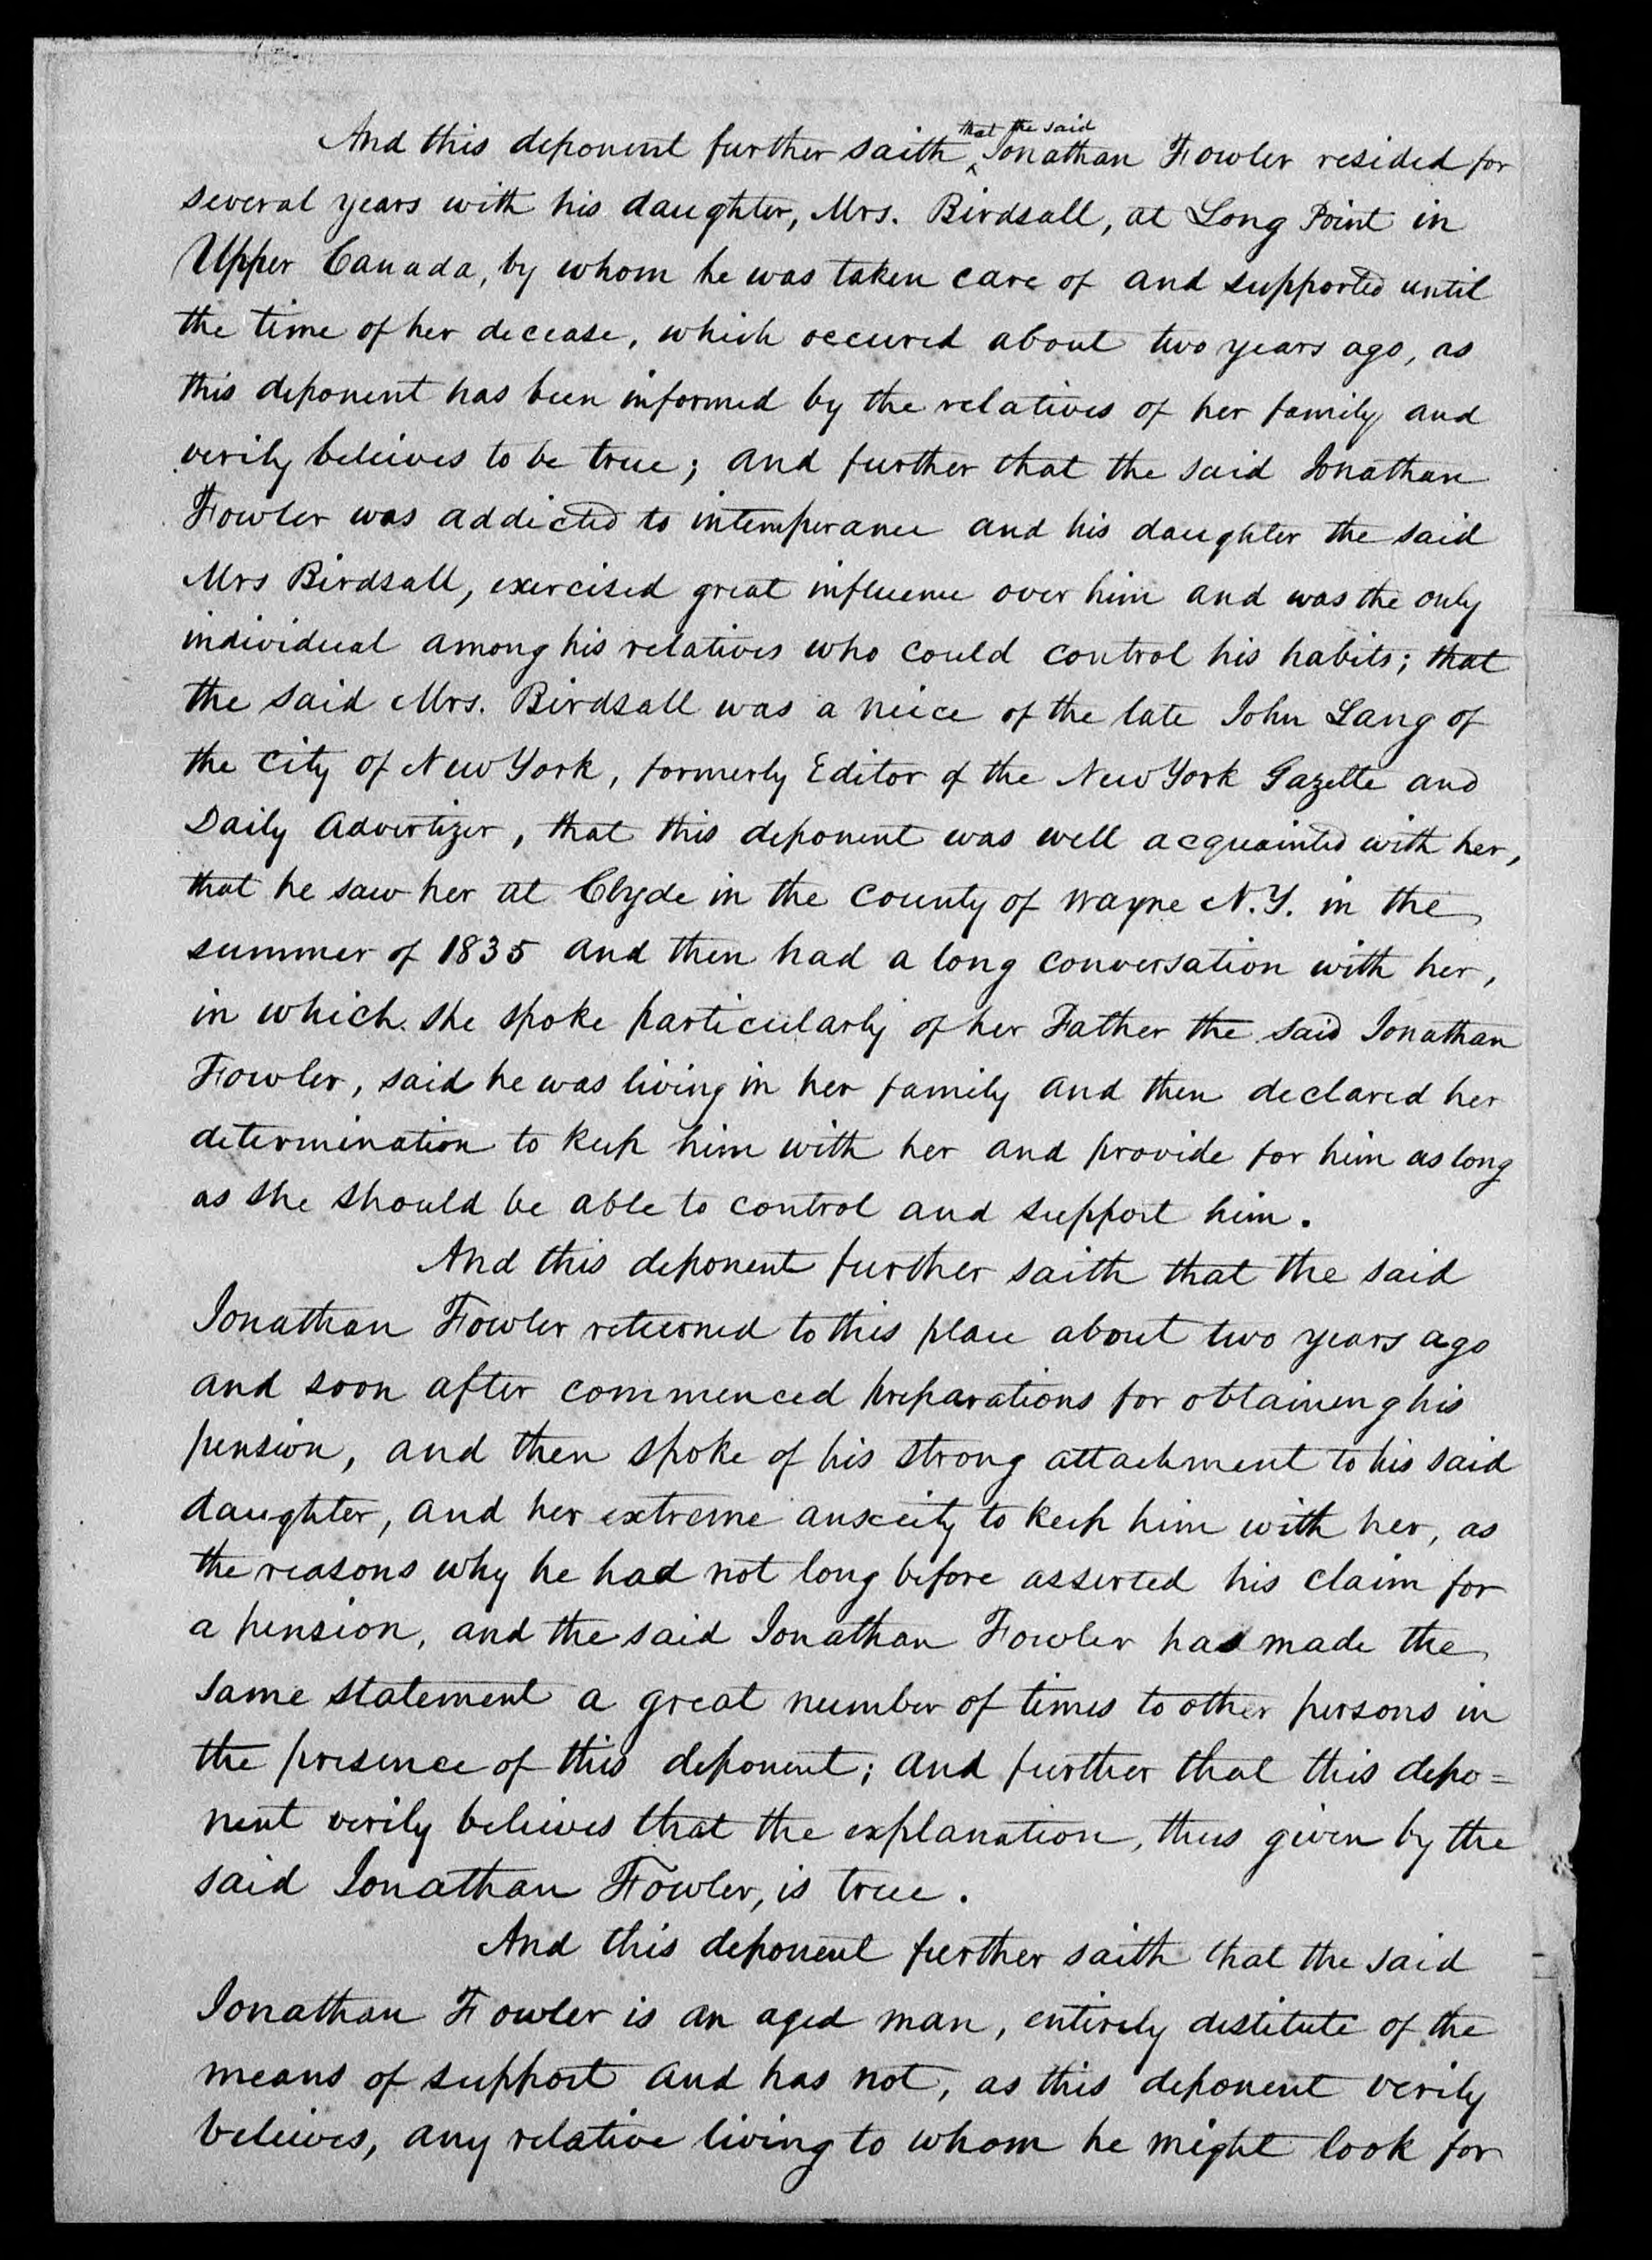And this deponent further saith that the said Jonathan Fowler resided for several years with his daughter, Mrs. Birdsall, at Long Point in Upper Canada, by whom he was taken care of and supported until the time of her decease, which occured about two years ago, as this deponent has been informed by the relatives of her family and verily believes to be true; and further that the said Jonathan Fowler was addicted to intemperance and his daughter the said Mrs. Birdsall, exercised great influence over him and was the only inidividual among his relatives who could control his habits; that the said Mrs. Birdsall of a niece of the late John Lang of the city of New York formerly Editor of the New York Gazette and Daily Advertizer, that this deponent was well acquainted with her, that he saw her at Clyde in the county of Wayne N.Y. in the summer of 1835 and then had a long conversation with her, in which she spoke particularly of her father the said Jonathan Fowler, said he was living in her family and then declared her determination to keep him with her and provide for him as long as she should be able to control and support him.
And this deponent further saith that the said Jonathan Fowler returned to this place about two years ago and soon after commenced preparations for obtaining his pension, and then spoke of his strong attachment to his said daughter, and her extreme anxiety to keep him with her, as the reasons why he had not long before asserted his claim for a pension, and the said Jonathan Fowler has made the same statement a great number of times to other persons in the presence of this deponent; and further that this deponent verily believes that the explanation, thus given by the said Jonathsn Fowler, is true.
And this deponent further saith that the said Jonathan Fowler is an aged man, entirely destitute of the means of support and has not, as this deponent verily believes, any relative living to whom he might look for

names: Jonathan Fowler, Jonathan Fowler, Birdsall, Jonathan Fowler, Jonathan Fowler, Jonathan Fowler, Birdsall, Jonathan Fowler, Jonathan Fowler, Jonathan Fowler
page: 40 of 44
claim: survivor's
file: S. 23639, Jonathan Fowler, New York